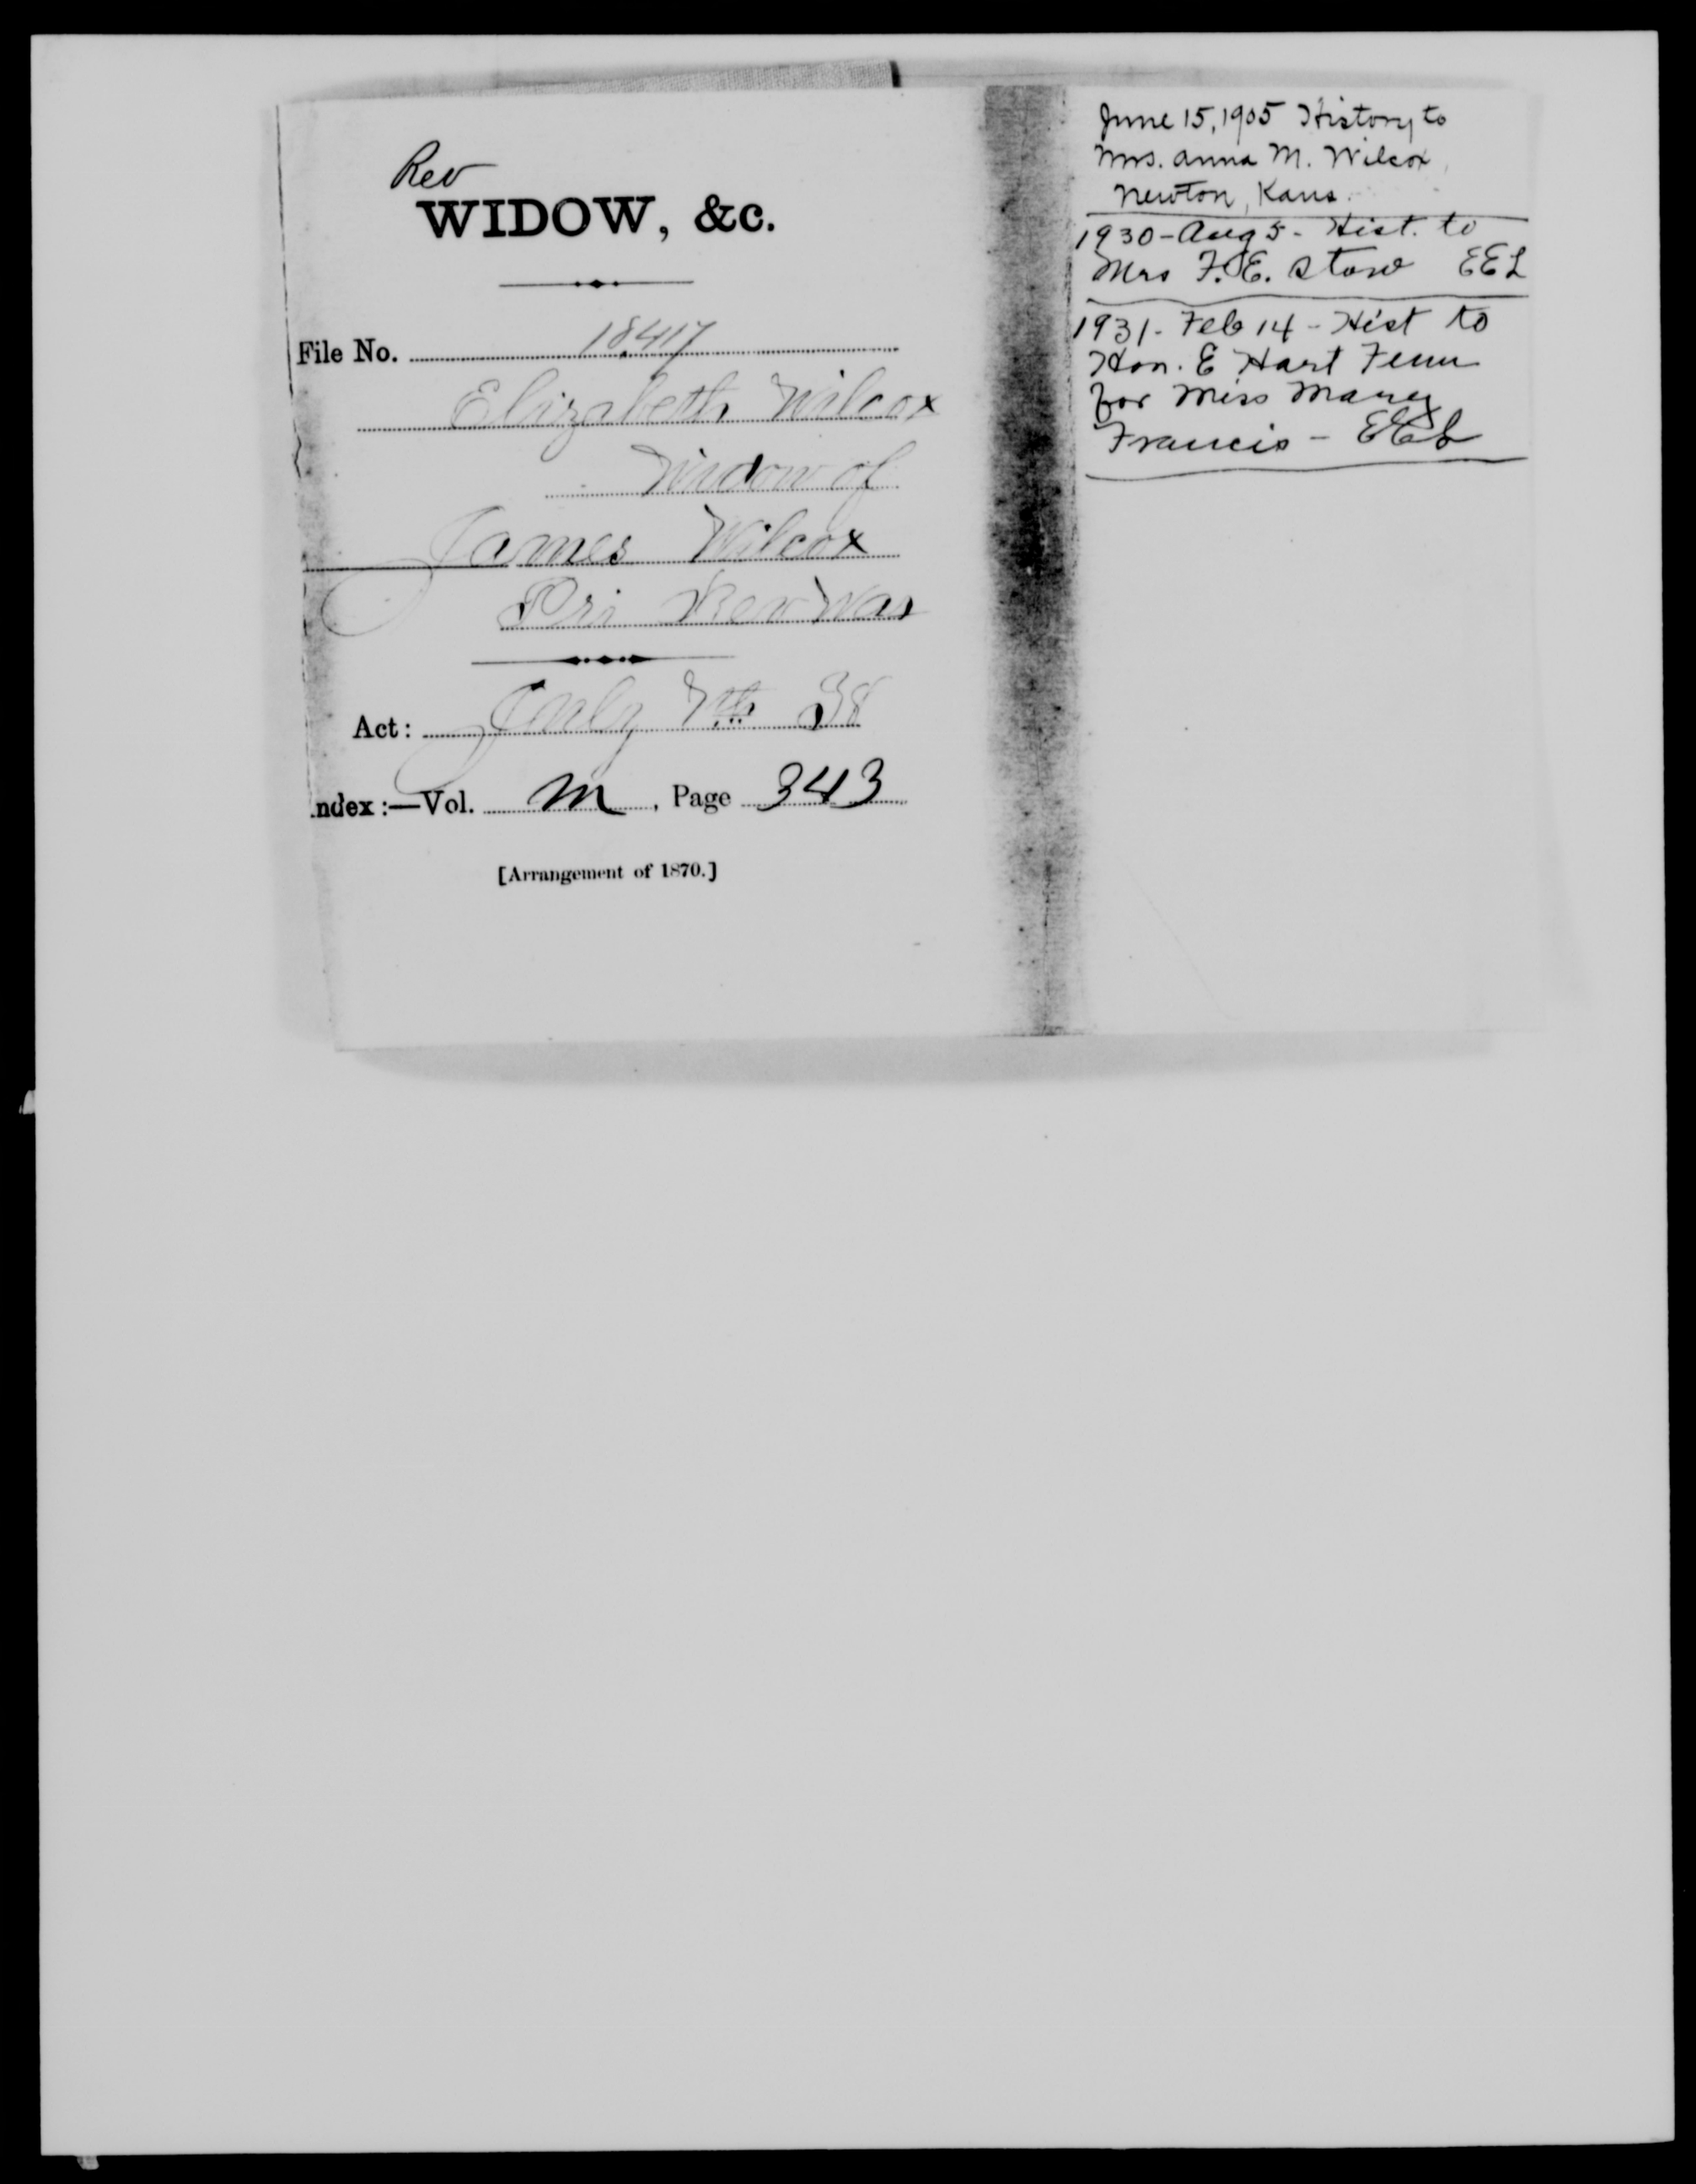Rev
Widow, &c.
File No. 18417
Elizabeth Wilcox
James Wilcox
Pri Rev War
Act: July 7th 38
Index:—Vol. M, Page 343
[Arrangement of 1870]

June 15, 1905 History to Mrs. Anna M. Wilcox Newton, Kans.
1930-Aug 5-Hist to Mrs. F. E. Stone EEL
1931-Feb 14-Hist to Hon E Hart Fenn for Miss Mary Francis WWL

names: Elizabeth Wilcox, Anna M Wilcox, Mary Francis, F E Stow, James Wilcox, E Hart Fenn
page: 38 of 46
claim: widow's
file: W. 18,417, James Willcox, Conn.